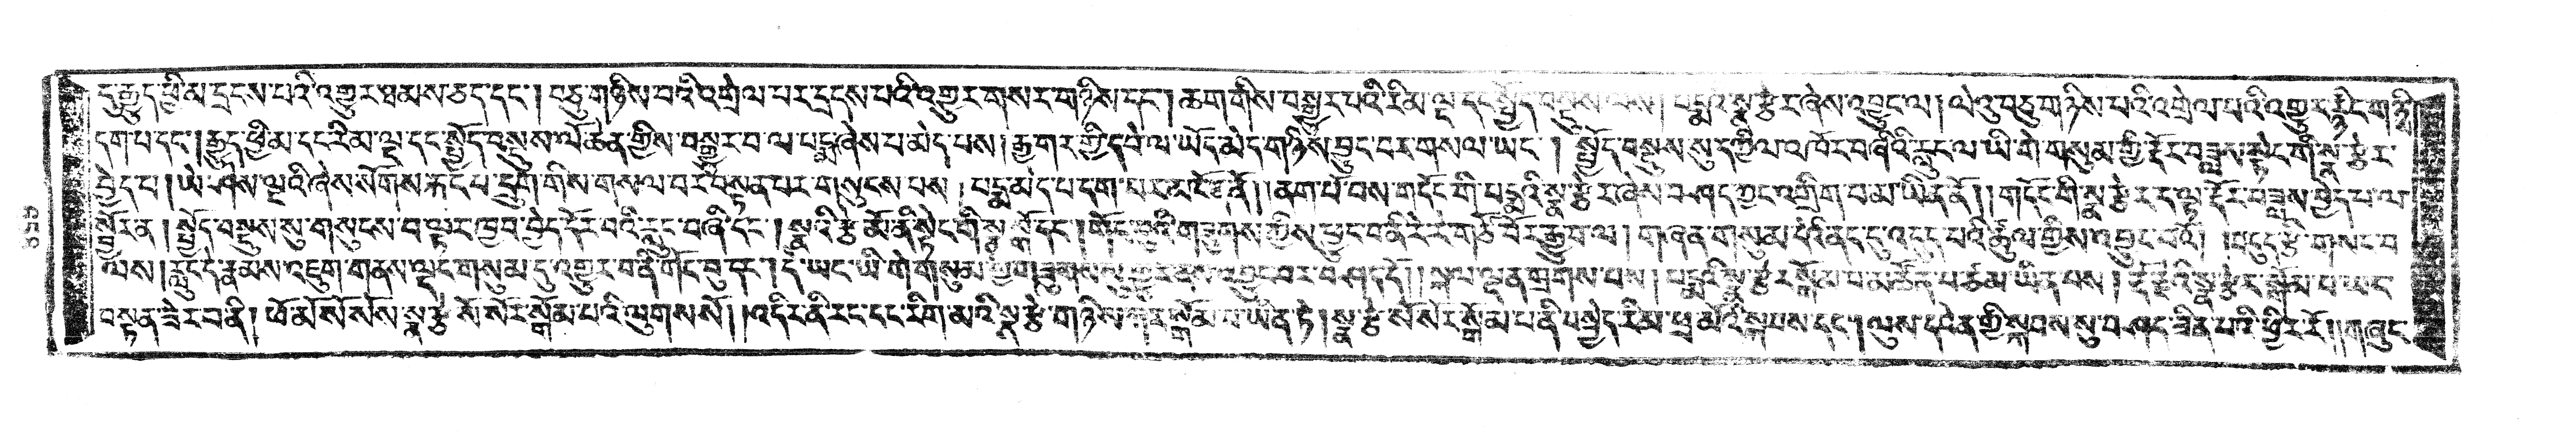དུ་རྒྱུད་ཕྱི་མ་དྲངས་པའི་འགྱུར་ཐམས་ཅད་དང་། བཅུ་གཉིས་པའི་འགྲེལ་པར་དྲངས་པའི་འགྱུར་གསར་གཉིས་དང་། ཆག་གིས་བསྒྱུར་བའི་རིམ་ལྔ་དང་སྤྱོད་བསྡུས་ལས། པདམའི་སྣ་རྩེར་ཞེས་འབྱུང་ལ། ལེའུ་བཅུ་གཉིས་པའི་འགྲེལ་པའི་འགྱུར་རྙིང་གཉིས་
དག་པ་དང་། རྒྱུད་ཕྱི་མ་དང་རིམ་ལྔ་དང་སྤྱོད་བསྡུས་ལོ་ཚན་གྱིས་བསྒྱུར་བ་ལ་པདམ་ཞེས་པ་མེད་པས། རྒྱ་གར་གྱི་དཔེ་ལ་ཡོད་མེད་གཉིས་བྱུང་བར་གསལ་ཡང་། སྤྱོད་བསྡུས་སུ་དཀྱིལ་འཁོར་བཞིའི་རླུང་ལ་ཡི་གེ་གསུམ་གྱི་རྡོར་བཟླས་སྟེང་གི་སྣ་རྩེར་
བྱེད་པ། ཡེ་ཤེས་ལྔའི་ཞེས་སོགས་རྐང་པ་དྲུག་གིས་གསལ་བར་བསྟན་པར་གསུངས་པས། པདམ་མེད་པ་དག་པར་མངོན་ནོ། །ནག་པོ་པས་གདོང་གི་པདམའི་སྣ་རྩེར་ཞེས་བཤད་ཀྱང་འགྲིག་པ་མ་ཡིན་ནོ། །གདོང་གི་སྣ་རྩེར་ད་ལྟ་རྡོར་བཟླས་བྱེད་པ་ལ་
སྦྱོར་ན། སྤྱོད་བསྡུས་སུ་གསུངས་པ་ལྟར་ཁྱབ་བྱེད་དེར་བའི་རླུང་བཞི་དང་། སྣའི་རྩེ་མོ་ནི་སྟང་གི་སྣ་སྒོ་དང་། གོང་བུའི་གཟུགས་ཀྱིས་ཕྱུང་བ་ནི་རེ་རེ་གཙོ་བོར་རྒྱུ་བ་ལ། གཞན་གསུམ་དེའི་ནང་དུ་འདུད་པའི་ཚུལ་གྱིས་འབྱུང་བའོ། །བདུད་རྩི་གསང་བ་
ལས། རླུང་དེ་རྣམས་འཇུག་གནས་ལྡང་གསུམ་དུ་འགྱུར་བ་ནི་གོང་བུ་དང་། དེ་ཡང་ཡི་གེ་གསུམ་གྱི་གཟུགས་སུ་གྱུར་ནས་འབྱུང་བར་བཤད་དོ། །སྐལ་ལྡན་གྲགས་པས། པདམའི་སྣ་རྩེར་སྒོམ་པ་མཚོན་པ་ཙམ་ཡིན་པས། རྡོ་རྗེའི་སྣ་རྩེར་སྒོམ་པ་ཡང་
བསྟན་ཟེར་བ་ནི་ཕོ་མོ་སོ་སོས་སྣ་རྩེ་མོ་སོར་སྒོམ་པའི་ལུགས་སོ། །འདིར་ནི་རང་དང་རིག་མའི་སྣ་རྩེ་གཉིས་ཀར་སྒོམ་པ་ཡིན་ཏེ། སྣ་རྩེ་སོ་སོར་སྒོམ་པ་ནི་བསྐྱེད་རིམ་ཕྲ་མོའི་སྐབས་དང་། ལུས་དབེན་གྱི་སྐབས་སུ་བཤད་ཟིན་པའི་ཕྱིར་རོ། །གཞུང་